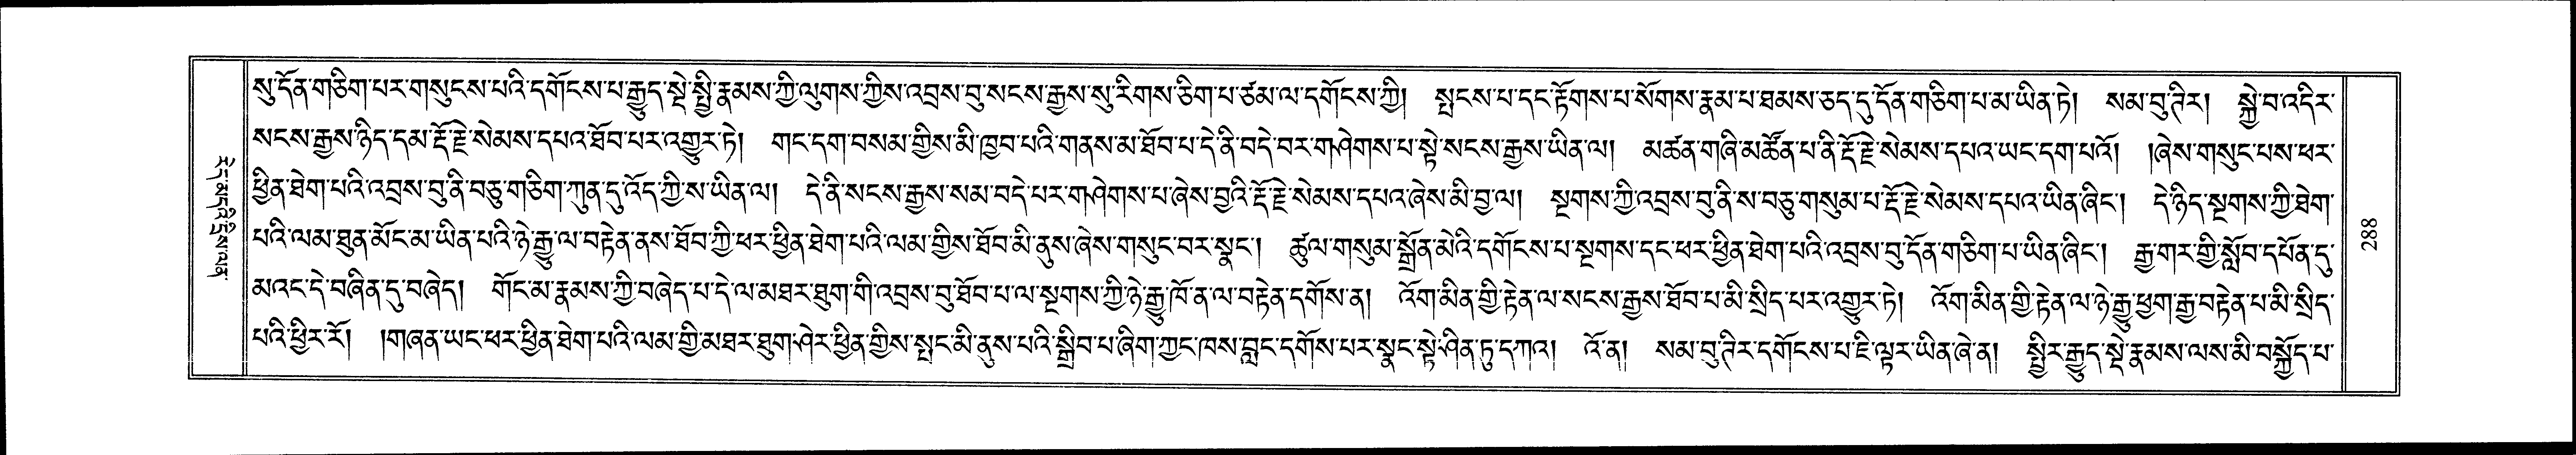སུ་དོན་གཅིག་པར་གསུངས་པའི་དགོངས་པ་རྒྱུད་སྡེ་སྤྱི་རྣམས་ཀྱི་ལུགས་ཀྱིས་འབྲས་བུ་སངས་རྒྱས་སུ་རིགས་ཅིག་པ་ཙམ་ལ་དགོངས་ཀྱི། སྤངས་པ་དང་རྟོགས་པ་སོགས་རྣམ་པ་ཐམས་ཅད་དུ་དོན་གཅིག་པ་མ་ཡིན་ཏེ། སམ་བུ་ཊིར། སྐྱེ་བ་འདིར་
སངས་རྒྱས་ཉིད་དམ་རྡོ་རྗེ་སེམས་དཔའ་ཐོབ་པར་འགྱུར་ཏེ། གང་དག་བསམ་གྱིས་མི་ཁྱབ་པའི་གནས་མ་ཐོབ་པ་དེ་ནི་བདེ་བར་གཤེགས་པ་སྟེ་སངས་རྒྱས་ཡིན་ལ། མཚན་གཞི་མཚོན་པ་ནི་རྡོ་རྗེ་སེམས་དཔའ་ཡང་དག་པའོ། །ཞེས་གསུང་པས་ཕར་
ཕྱིན་ཐེག་པའི་འབྲས་བུ་ནི་བཅུ་གཅིག་ཀུན་དུ་འོད་ཀྱི་ས་ཡིན་ལ། དེ་ནི་སངས་རྒྱས་སམ་བདེ་པར་གཤེགས་པ་ཞེས་བྱའི་རྡོ་རྗེ་སེམས་དཔའ་ཞེས་མི་བྱ་ལ། སྔགས་ཀྱི་འབྲས་བུ་ནི་ས་བཅུ་གསུམ་པ་རྡོ་རྗེ་སེམས་དཔའ་ཡིན་ཞིང་། དེ་ཉིད་སྔགས་ཀྱི་ཐེག་
པའི་ལམ་ཐུན་མོང་མ་ཡིན་པའི་ཉེ་རྒྱུ་ལ་བརྟེན་ནས་ཐོབ་ཀྱི་ཕར་ཕྱིན་ཐེག་པའི་ལམ་གྱིས་ཐོབ་མི་ནུས་ཞེས་གསུང་བར་སྣང་། ཚུལ་གསུམ་སྒྲོན་མེའི་དགོངས་པ་སྔགས་དང་ཕར་ཕྱིན་ཐེག་པའི་འབྲས་བུ་དོན་གཅིག་པ་ཡིན་ཞིང་། རྒྱ་གར་གྱི་སློབ་དཔོན་དུ་
མའང་དེ་བཞིན་དུ་བཞེད། གོང་མ་རྣམས་ཀྱི་བཞེད་པ་དེ་ལ་མཐར་ཐུག་གི་འབྲས་བུ་ཐོབ་པ་ལ་སྔགས་ཀྱི་ཉེ་རྒྱུ་ཁོ་ན་ལ་བརྟེན་དགོས་ན། འོག་མིན་གྱི་རྟེན་ལ་སངས་རྒྱས་ཐོབ་པ་མི་སྲིད་པར་འགྱུར་ཏེ། འོག་མིན་གྱི་རྟེན་ལ་ཉེ་རྒྱུ་ཕྱག་རྒྱ་བརྟེན་པ་མི་སྲིད་
པའི་ཕྱིར་རོ། །གཞན་ཡང་ཕར་ཕྱིན་ཐེག་པའི་ལམ་གྱི་མཐར་ཐུག་ཤེར་ཕྱིན་གྱིས་སྤང་མི་ནུས་པའི་སྒྲིབ་པ་ཞིག་ཀྱང་ཁས་བླང་དགོས་པར་སྣང་སྟེ་ཤིན་ཏུ་དཀའ། འོ་ན། སམ་བུ་ཊིར་དགོངས་པ་ཇི་ལྟར་ཡིན་ཞེ་ན། སྤྱིར་རྒྱུད་སྡེ་རྣམས་ལས་མི་བསྐྱོད་པ་